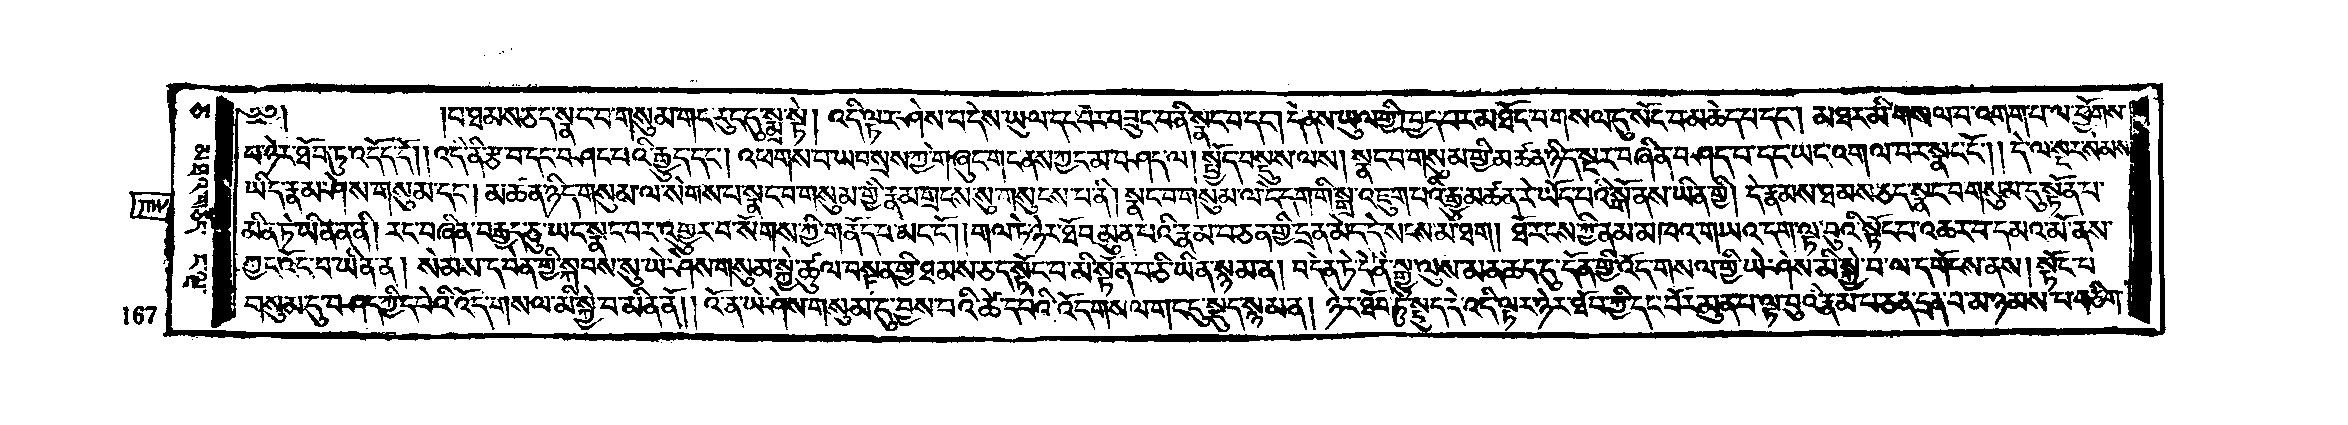༄༅། །པ་ཐམས་ཅད་སྣང་བ་གསུམ་གང་རུང་དུ་སྨྲ་སྟེ། འདི་ལྟར་ཤེས་པ་དེས་ཡུལ་དང་པོར་བཟུང་བ་ནི་སྣང་བ་དང་། དེ་ནས་ཡུལ་གྱི་ཁྱད་པར་མཐོང་བ་གསལ་དུ་སོང་བ་མཆེད་པ་དང་། མཐར་མི་གསལ་བ་འགག་པ་ལ་ཕྱོགས་
པ་ཉར་ཐོབ་ཏུ་འདོད་དོ། །འདི་ནི་རྩ་བ་དང་བཤད་པའི་རྒྱུད་དང་། འཕགས་པ་ཡབ་སྲས་ཀྱི་གཞུང་གང་ནས་ཀྱང་མ་བཤད་ལ། སྤྱོད་བསྡུས་ལས། སྣང་བ་གསུམ་གྱི་མཚན་ཉིད་སྔར་བཞིན་བཤད་པ་དང་ཡང་འགལ་བར་སྣང་ངོ། །དེ་ལ་སྔར་སེམས་
ཡིད་རྣམ་ཤེས་གསུམ་དང་། མཚན་ཉིད་གསུམ་ལ་སོགས་པ་སྣང་བ་གསུམ་གྱི་རྣམ་གྲངས་སུ་གསུངས་པ་ནི། སྣང་བ་གསུམ་ལ་དེ་དག་གི་སྒྲ་འཇུག་པའི་རྒྱུ་མཚན་རེ་ཡོད་པའི་སྒོ་ནས་ཡིན་གྱི། དེ་རྣམས་ཐམས་ཅད་སྣང་བ་གསུམ་དུ་སྟོན་པ་
མིན་ཏེ་ཡིན་ན་ནི། རང་བཞིན་བརྒྱད་ཅུ་ཡང་སྣང་བར་འགྱུར་བ་སོགས་ཀྱི་གནོད་པ་མང་ངོ། །གལ་ཏེ་ཉེར་ཐོབ་མུན་པའི་རྣམ་པ་ཅན་གྱི་དྲན་མེད་དེ་སངས་མ་ཐག །ཐོ་རངས་ཀྱི་ནམ་མཁའ་གཡའ་དག་ལྟ་བུའི་སྟོང་པ་འཆར་བ་དམའ་མོ་ནས་
ཀྱང་འོང་བ་ཡིན་ན། སེམས་དབེན་གྱི་སྐབས་སུ་ཡེ་ཤེས་གསུམ་སྐྱེ་ཚུལ་བསྟན་གྱི་ཐམས་ཅད་སྟོང་པ་མི་སྟོན་པ་ཅི་ཡིན་སྙམ་ན། བདེན་ཏེ་དེ་ནི་སྒྱུ་ལུས་མན་ཆད་དུ་དོན་གྱི་འོད་གསལ་གྱི་ཡེ་ཤེས་མི་སྐྱེ་བ་ལ་དགོངས་ནས། སྟོང་པ་
གསུམ་དུ་བཤད་ཀྱི་དཔེའི་འོད་གསལ་མི་སྐྱེ་བ་མིན་ནོ། །འོ་ན་ཡེ་ཤེས་གསུམ་དུ་བྱས་པའི་ཚེ་དཔེའི་འོད་གསལ་གང་དུ་སྡུད་སྙམ་ན། ཉེར་ཐོབ་ཏུ་སྡུད་དེ་འདི་ལྟར་ཉེར་ཐོབ་ཀྱི་དང་པོར་མུན་པ་ལྟ་བུའི་རྣམ་པ་ཅན་དྲན་པ་མ་ཉམས་པ་གཅིག་